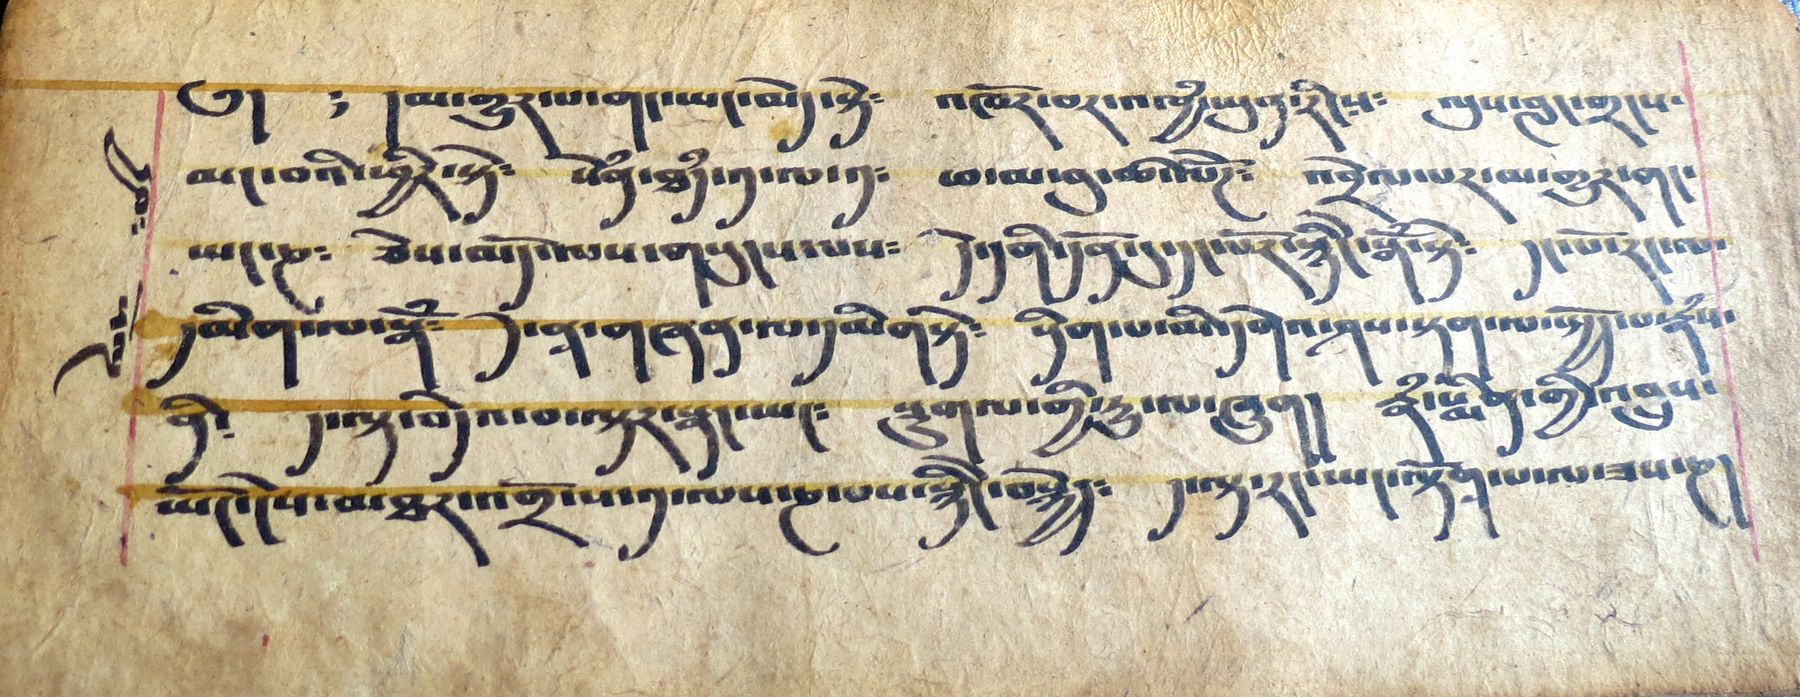མ་གྱུར་པ་གང་ཡང་མེད་དོ། འཁོར་བར་འཁྱམས་ཡུན་རིང་། ལུས་བླངས་གྲངས་
མང་བའི་ཕྱིར་ཏེ། སེམས་ཅན་ཐམས་ཅད་གཅིག་ལ་གཅིག ཕ་མ་བུ་ཚ་ལ་སོགས་ཏེ། འབྲེལ་བར་མ་གྱུར་གང་
ཡང་མེད། ཅེས་མདོ་ལས་གསུང་པས། དེ་དག་གི་དོན་དུ་དང་པོར་སྙིང་རྗེ་བསྒོམ་སྟེ། དང་པོ་རང་ལ་
དམིགས་ལ་བསྒོམ། དེ་ནས་གཞན་ལ་དམིགས་ལ་བསྒོམ། སྡིག་པ་མི་དགེ་བ་ཤ་སྟག་ལ་སྤྱོད་པ་རྣམས་
ནི། ད་ལྟ་བདེ་བ་ལྟར་སྣང་ཡང་། སྡུག་བསྔལ་གྱི་རྒྱུ་ལ་ཞུགས། རྣམ་སྨིན་གྱི་འབྲས་བུ་
ཡོང་ངེས། མཐར་འགྲོ་ས་གཅིག་ལས་མེད་པས་སྙིང་རྗེ་བསྐྱེད། ད་ལྟ་རང་ཡང་ལྟོགས་པ་ལ་ཟས་མེད།